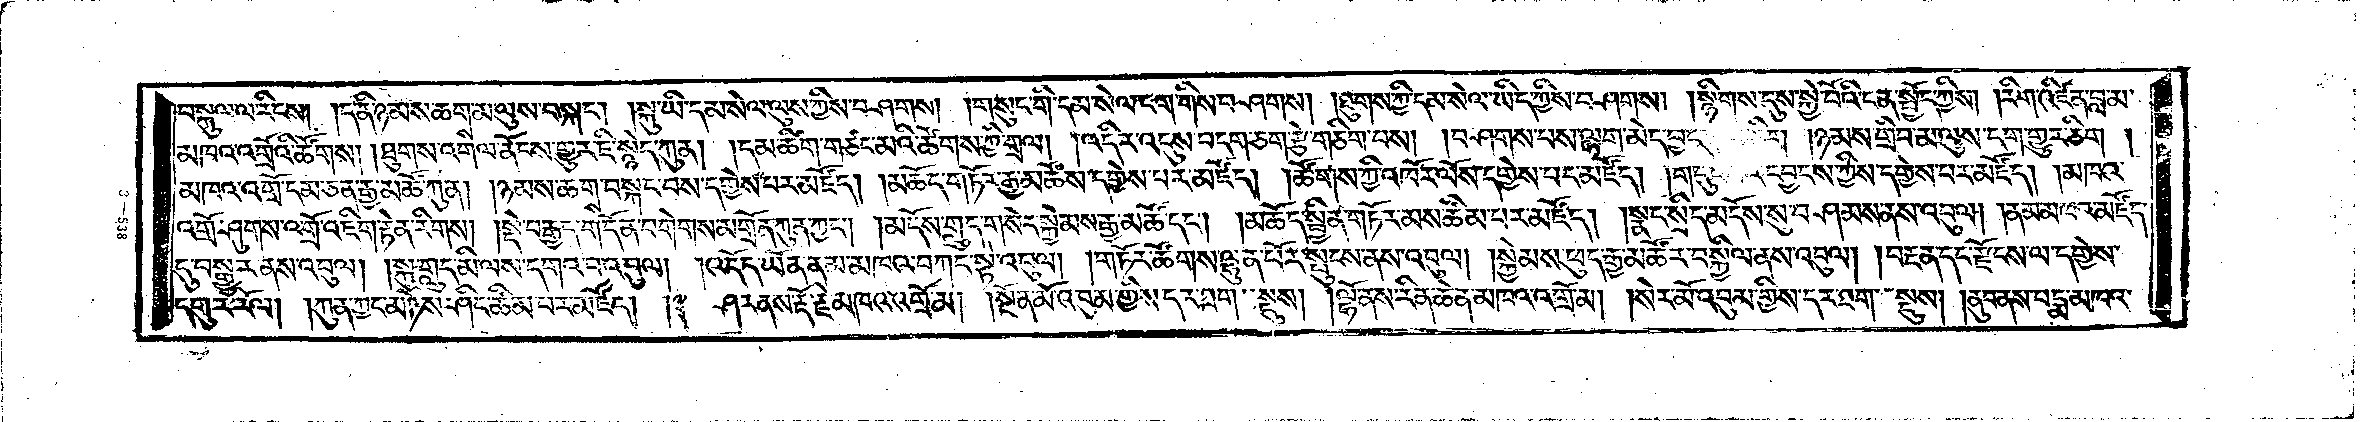བསྐུལ་ལ་རིངས། །ད་ནི་ཉམས་ཆག་མ་ལུས་བསྐང་། །སྐུ་ཡི་དམ་སེལ་ལུས་ཀྱིས་བཤགས། །གསུང་གི་དམ་སེལ་ངག་གིས་བཤགས། །ཐུགས་ཀྱི་དམ་སེལ་ཡིད་ཀྱིས་བཤགས། །སྙིགས་དུས་སྐྱེ་བོའི་ངན་སྤྱོད་ཀྱིས། །རིག་འཛིན་བླ་མ་
མཁའ་འགྲོའི་ཚོགས། །ཐུགས་འགལ་ནོངས་གྱུར་ཇི་སྙེད་ཀུན། །དམ་ཚིག་གཙང་མའི་ཚོགས་ཀྱི་གྲལ། །འདིར་འདུས་བདག་ཅག་རྩེ་གཅིག་པས། །བཤགས་པས་ལྷག་མེད་བྱང་གྱུར་ཅིག །ཉམས་གྲིབ་མ་ལུས་ངག་གྱུར་ཅིག །
མཁའ་འགྲོ་དམ་ཅན་རྒྱ་མཚོ་ཀུན། །ཉམས་ཆགས་བསྐང་བས་དགྱེས་པར་མཛོད། །མཆོད་གཏོར་རྒྱ་མཚོས་དགྱེས་པར་མཛོད། །ཚོགས་ཀྱི་འཁོར་ལོས་དགྱེས་པར་མཛོད། །གདུང་པའི་དབྱངས་ཀྱིས་དགྱེས་པར་མཛོད། །མཁའ་
འགྲོ་ཤུགས་འགྲོ་འཇིག་རྟེན་རིགས། །སྡེ་བརྒྱད་གདོན་བགེགས་མགྲོན་ཀུན་ཀྱང་། །མདོས་གླུད་གསེར་སྐྱེམས་རྒྱ་མཚོ་དང་། །མཆོད་སྦྱིན་གཏོར་མས་ཚིམ་པར་མཛོད། །སྣང་སྲིད་མདོས་སུ་བཤམས་ནས་འབུལ། །ནམ་མཁའ་མཛོད་
དུ་བསྒྱུར་ནས་འབུལ། །སྐུ་གླུད་མི་ལས་དགའ་བ་འབུལ། །འདོད་ཡོན་ནམ་མཁའ་བཀང་སྟེ་འབུལ། །གཏོར་ཚོགས་ལྷུན་པོར་སྤུངས་ནས་འབུལ། །སྐྱེམས་ཕུད་རྒྱ་མཚོར་བསྐྱིལ་ནས་འབུལ། །བརྔན་དང་རྫོངས་ལ་དགྱེས་
དགུར་རོལ། །ཀུན་ཀྱང་མཉོས་ཤིང་ཚིམ་པར་མཛོད། ། ༈ ཤར་ནས་རྡོ་རྗེ་མཁའ་འགྲོ་མ། །སྔོན་མོ་འབུམ་གྱིས་དར་ཐག་བསྡུས། །ལྷོ་ནས་རིན་ཆེན་མཁའ་འགྲོ་མ། །སེར་མོ་འབུམ་གྱིས་དར་ཐག་བསྡུས། །ནུབ་ནས་པདམ་མཁའ་